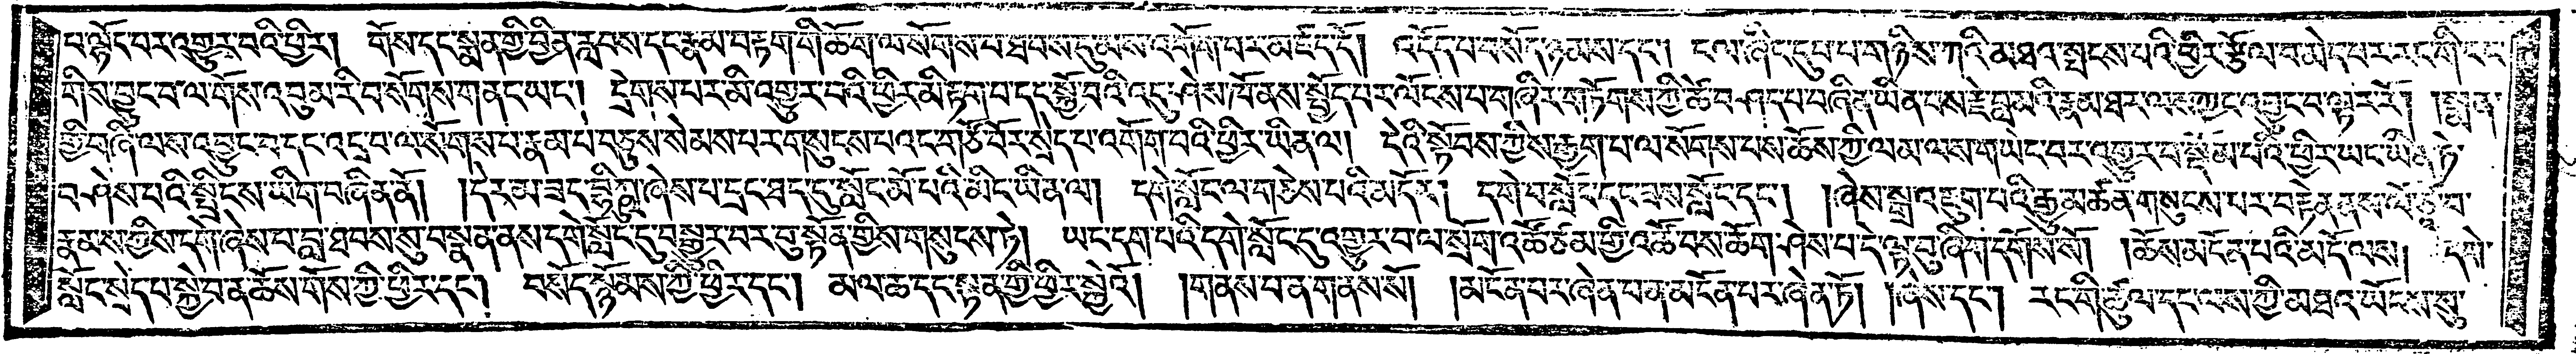པ་ལྷོད་པར་འགྱུར་བའི་ཕྱིར། གོས་དང་སྨན་གྱི་བྱིན་རླབས་དང་རྣམ་བརྟག་གི་ཆོ་ག་ལ་སོགས་པ་ཐབས་དུ་མས་འགོག་པར་མཛད་དོ། འདོད་བ་བསོད་ཉམས་དང་། ངལ་ཞིང་དུ་པ་པ་གཉིས་ཀའི་མཐའ་སྤངས་པའི་ཕྱིར་རྩོལ་བ་མེད་པར་རང་གི་ངང་
གིས་བྱུང་བ་ལ་གོས་འབུམ་རི་བ་སོགས་གནང་ཡང་། དྲེགས་པར་མི་འགྱུར་བའི་ཕྱིར་མི་རྟག་པ་དང་སྐྱོ་བའི་འདུ་ཤེས་ཁོ་ནས་སྤྱོད་པར་ལོངས་པ་གཞིར་གཏོགས་ཀྱི་ཚེ་བཤད་པ་བཞིན་ཡིན་བས་རྗེ་བླ་མའི་རྣམ་ཐར་ལས་ཀྱང་འབྱུང་བ་ལྟར་རོ། །སྨན་
གྱི་གཞི་ལས་འབྱུང་བ་དང་འདྲ་བ་ལ་སོགས་པ་རྣམ་པ་བཅུས་སེམས་པར་གསུངས་པའང་གཙོ་བོར་སྲེད་པ་འགོག་པའི་ཕྱིར་ཡིན་ལ། དེའི་སྟོབས་ཀྱིས་རྒྱག་པ་ལ་སོགས་པས་ཆོས་ཀྱི་ལམ་ལས་གཡེང་བར་འགྱུར་བ་སྡོམ་པའི་ཕྱིར་ཡང་ཡིན་ཏེ་
བཤེས་པའི་སྤྲིངས་ཡིག་བཞིན་ནོ། །དེར་མ་ཟད་བྷིཀྵུ་ཞེས་པ་དྲང་ཐད་དུ་སློང་མོ་པའི་མིང་ཡིན་ལ། དགེ་སློང་ལ་གཅེས་པའི་མདོར། དགེ་བ་སློང་དང་ཟས་སློང་དང་། །ཞེས་སྒྲ་འཇུག་པའི་རྒྱུ་མཚན་གསུངས་པར་བརྟེན་ནས་ལོ་ཙཱ་བ་
རྣམས་ཀྱིས་དགེ་ཞེས་པ་བླ་ཐབས་སུ་བསྣན་ནས་དགེ་སློང་དུ་བསྒྱུར་བར་བུ་སྟོན་གྱིས་གསུངས་ཏེ། ཡང་དག་པའི་དགེ་སློང་དུ་འགྱུར་བ་ལ་སྲོག་འཚོ་ཙམ་གྱི་འཚོ་བས་ཆོག་ཤེས་པ་དེ་ལྟ་བུ་ཞིག་དགོས་སོ། །ཆོས་མངོན་པའི་མདོ་ལས། དགེ་
སློང་སྲེད་པ་སྐྱེ་བ་ན་ཆོས་གོས་ཀྱི་ཕྱིར་དང་། བསོད་སྙོམས་ཀྱི་ཕྱིར་དང་། མལ་ཆ་དང་སྟན་གྱི་ཕྱིར་སྐྱེའོ། །གནས་པ་ན་གནས་སོ། །མངོན་པར་ཞེན་པ་ན་མངོན་པར་ཞེན་ཏོ། །ཞེས་དང་། རང་གི་ཚུལ་དང་ལས་ཀྱི་མཐའ་ཡོངས་སུ་